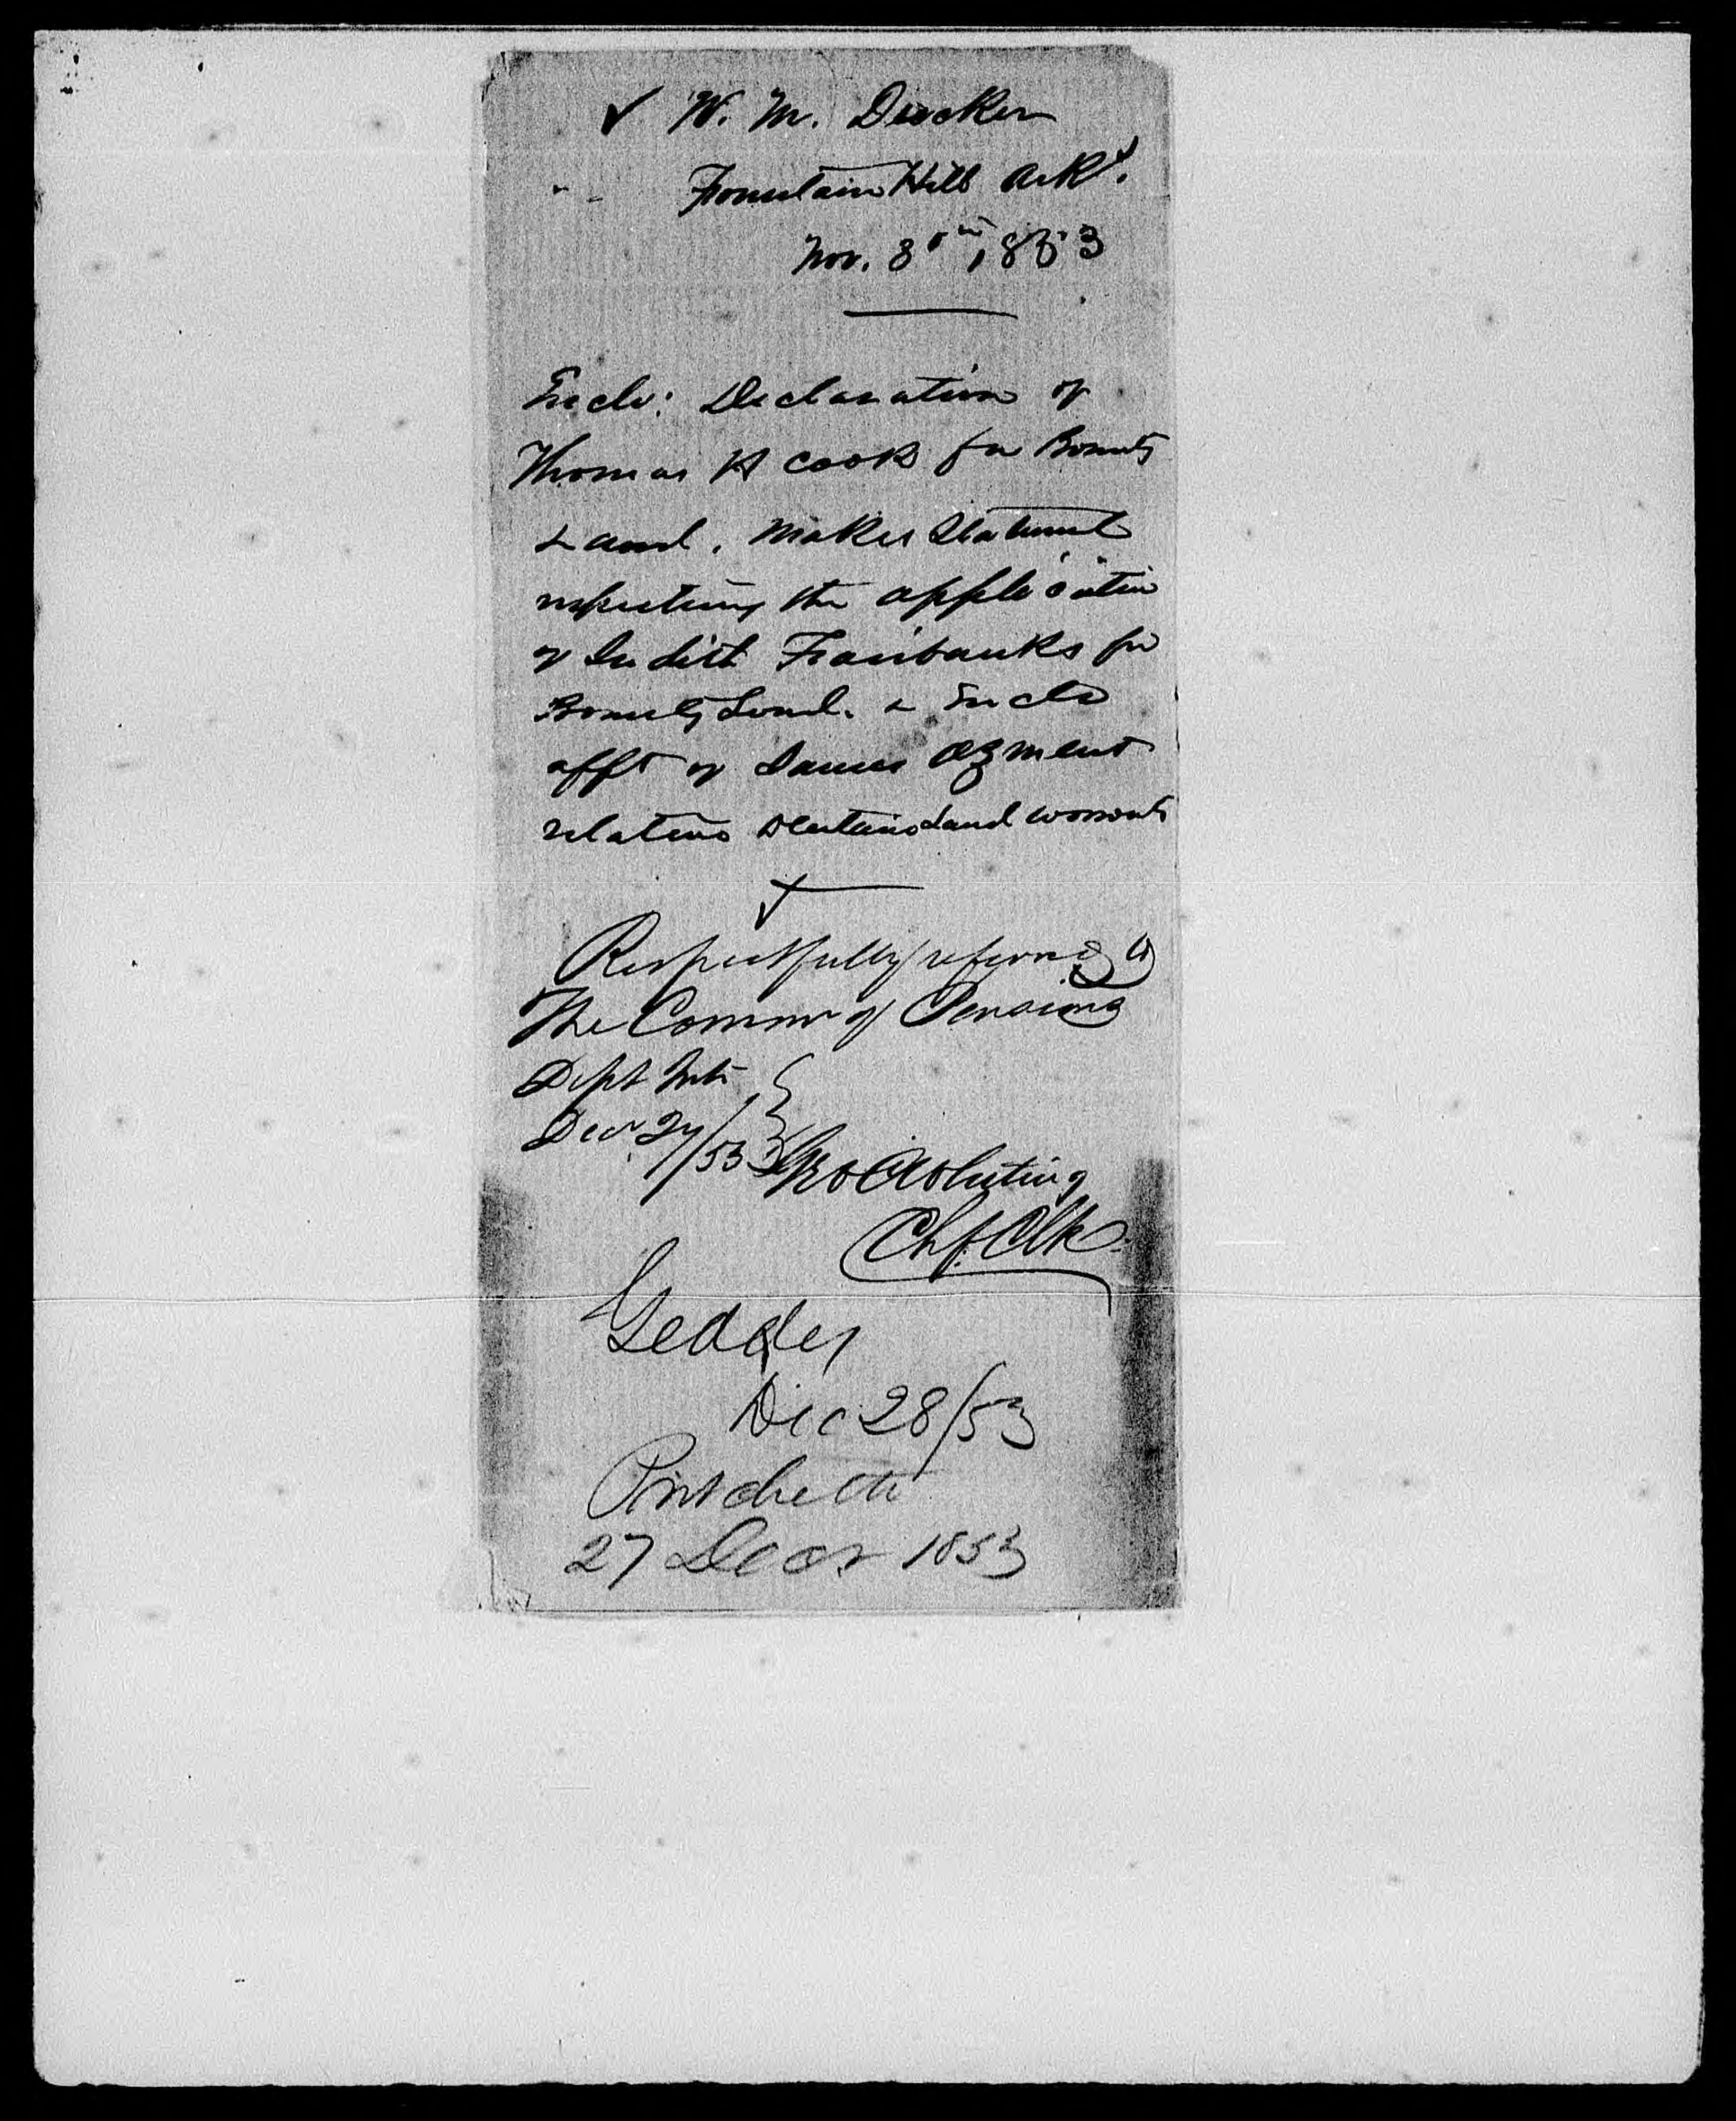W. M. Ducker
Fountain Hill Ark. 
Nov. 8th, 1833
———————
Encl: Declaration of 
Thomas H Cook for Bounty 
Land. Wilkis statement 
respecting the application 
of Judith Fairbanks for 
Bounty Land. & sends 
offer of James Ozment 
relative certain Land warranty
——————————-
Respectfully referring  
The Commr of Pensions 
Dept Int }
Decr 27/ 53 } Geo C Whiting
     Chef. Clk
Geddes
Dec 28/53
Pritchette 
27 Decr 1853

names: James Ozment, Judith Fairbanks, Geo C Whiting, Pritchette, Wilkis, Thomas A Cook, Geddes, W M Ducker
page: 7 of 17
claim: rejected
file: R. 3423, William Fairbanks, R.I.